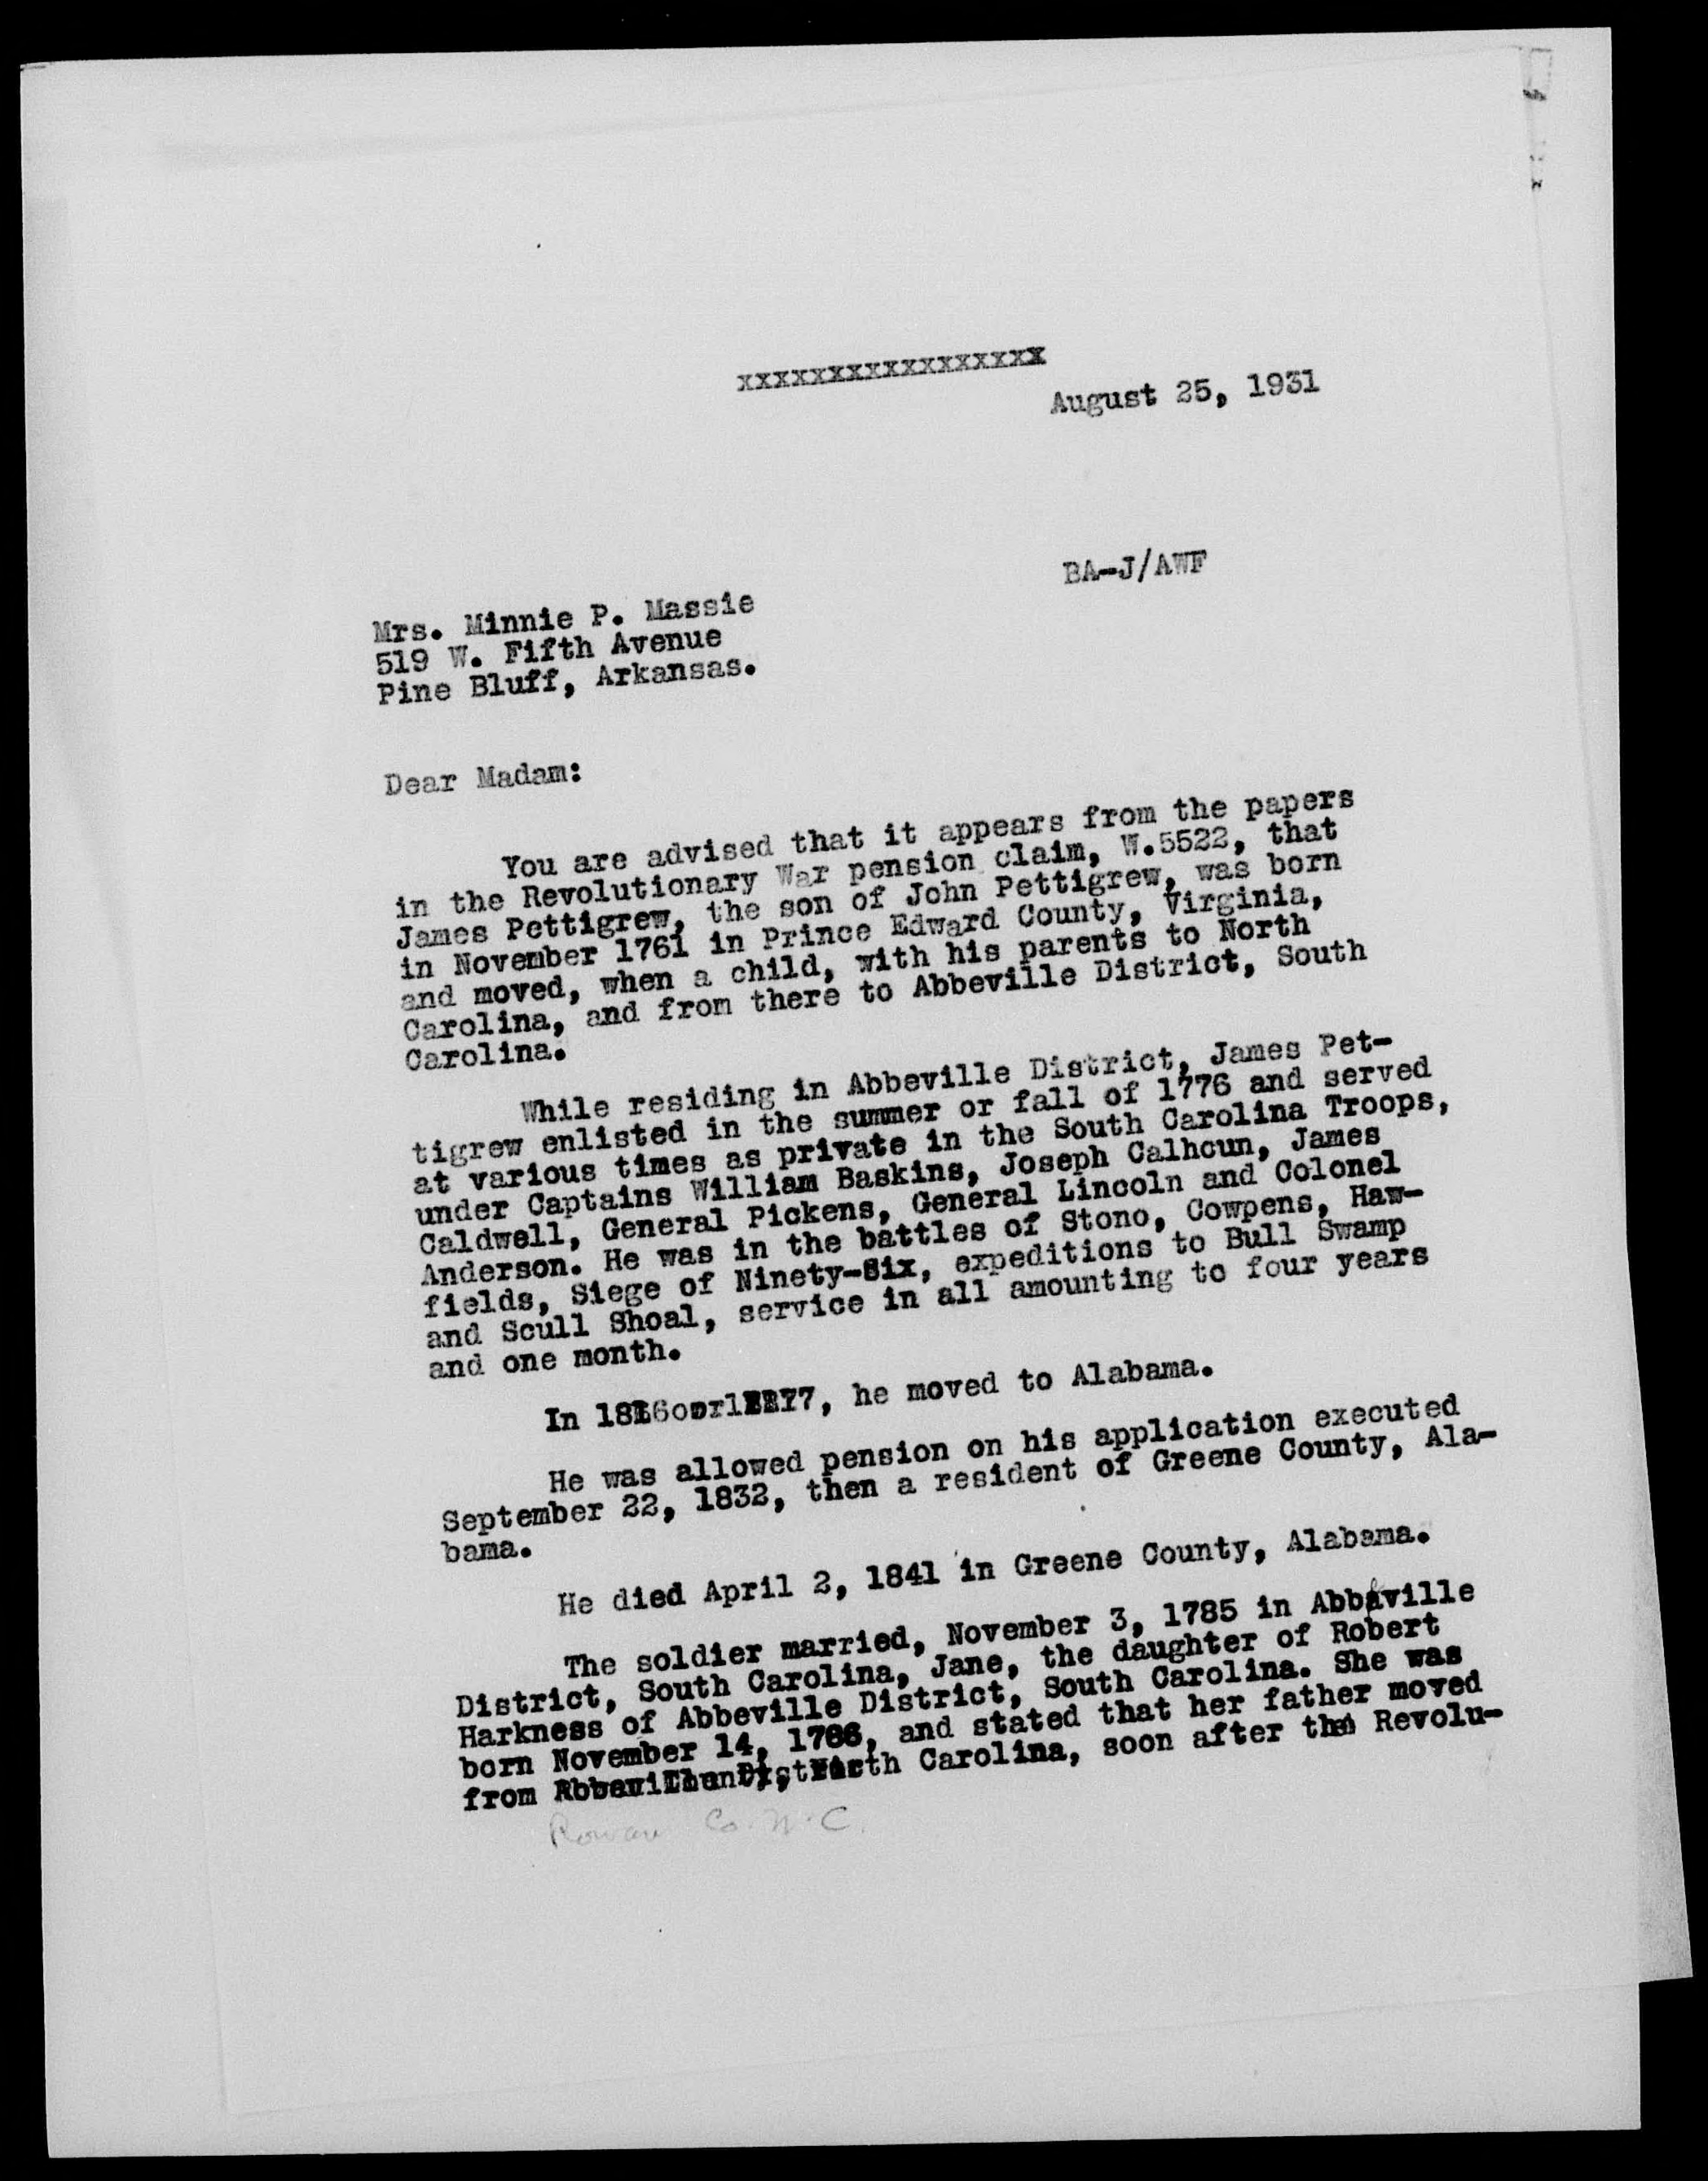xxxxxxxxxxxxxxxxx
August 25, 1931

BA-J/AWF

Mrs. Minnie P. Massie
519 W. Fifth Avenue
Pine Bluff, Arkansas.

Dear Madam:

You are advised that it appears from the papers in the Revolutionary War pension claim, W.5522, that James Pettigrew, the son of John Pettigrew, was born in November 1761 in Prince Edward County, Virginia, and moved, when a child, with his parents to North Carolina, and from there to Abbeville District, South Carolina.

While residing in Abbeville District, James Pettigrew enlisted in the summer or fall of 1776 and served at various times as private in the South Carolina Troops, under Captains William Baskins, Joseph Calhoun, James Caldwell, General Pickens, General Lincoln and Colonel Anderson. He was in the battles of Stono, Cowpens, Hawfields, Siege of Ninety-Six, axpeditions to Bull Swamp and Scull Shoal, service in all amounting to four years and one month.

In [Illegible] or [Illegible], he moved to Alabama.

He was allowed pension on his application executed September 22, 1832m then a resident of Greene County, Alabama.

He died April 2, 1841 in Greene County, Alabama.

The sodlier married, November 3, 1785 in Abbaville District, South Carolina, Jane, the daughter of Robert Harkness of Abbeville District, South Carolina. She was born November 14, 1766, and stated that her father moved from [Illegible] Carolina, soon after the Revolu-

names: Joseph Calhoun; Robert Harkness; William Baskins; Jane [BLANK]; [BLANK] Anderson; John Pettigrew; James Pettigrew; [BLANK] Lincoln; James Caldwell; Minnie P Massie; [BLANK] Pickens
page: 83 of 92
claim: widow's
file: W. 5522, for James Pettigrew, South Carolina